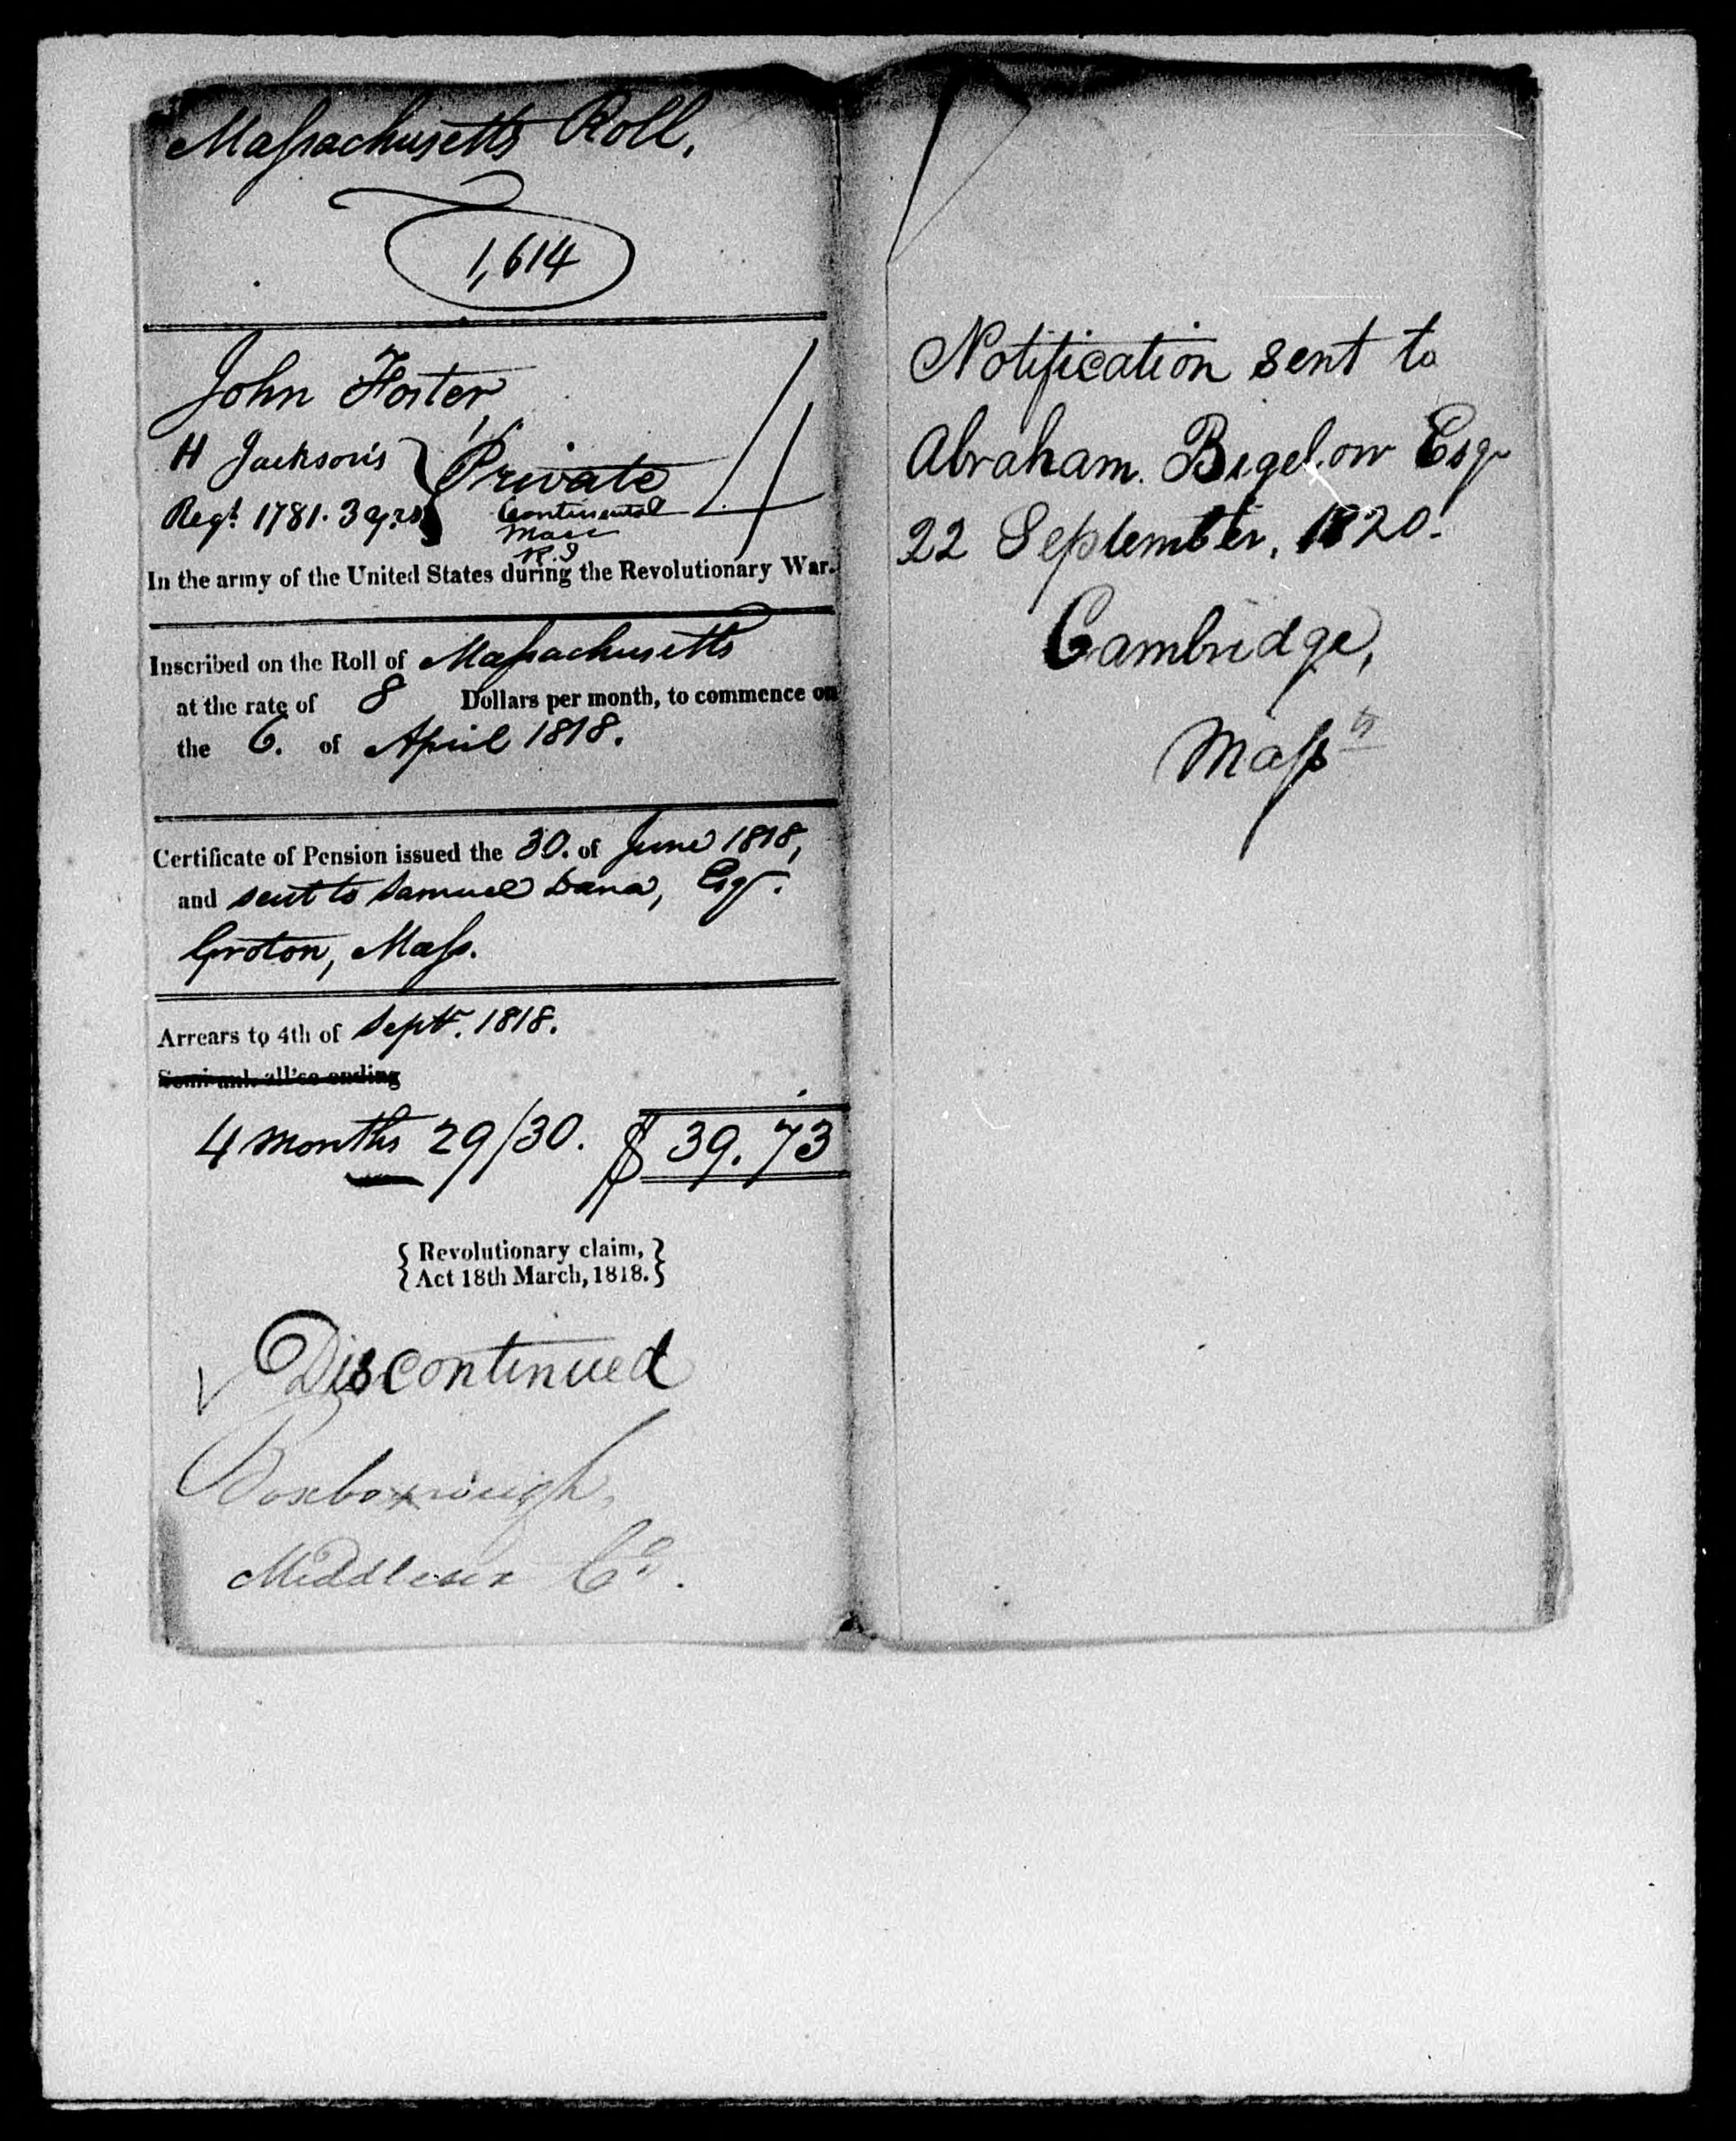Massachusetts Roll.
1,614
John Foster
H Jackson's Regt. 1781- 3 yrs.} Private
Continental Mass R. I. 
in the army of the United States during the Revolutionary War.
Inscribed on the Roll of Massachusetts at the rate of 8 Dollars per month, to commence on the 6 of April 1818.
Certificate of Pension issued the 30 of June 1818, and sent to Samuel Dana, Esqr. Groton, Mass.
Arrears to 4th of Sept. 1818.
4 months 29/30 $39.73
{Revolutionary claim,}
{Act 18th March, 1818.}
Discontinued
Boxborough,
Middlesex Co.
Notification sent to Abraham Bigelow Esqr
22 September, 1820-
Cambridge, Mass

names: Samuel Dana, Abraham Bigelow, H Jackson, John Foster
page: 2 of 47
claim: widow's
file: W. 7,302, John Foster, Continental Mass. R.I.